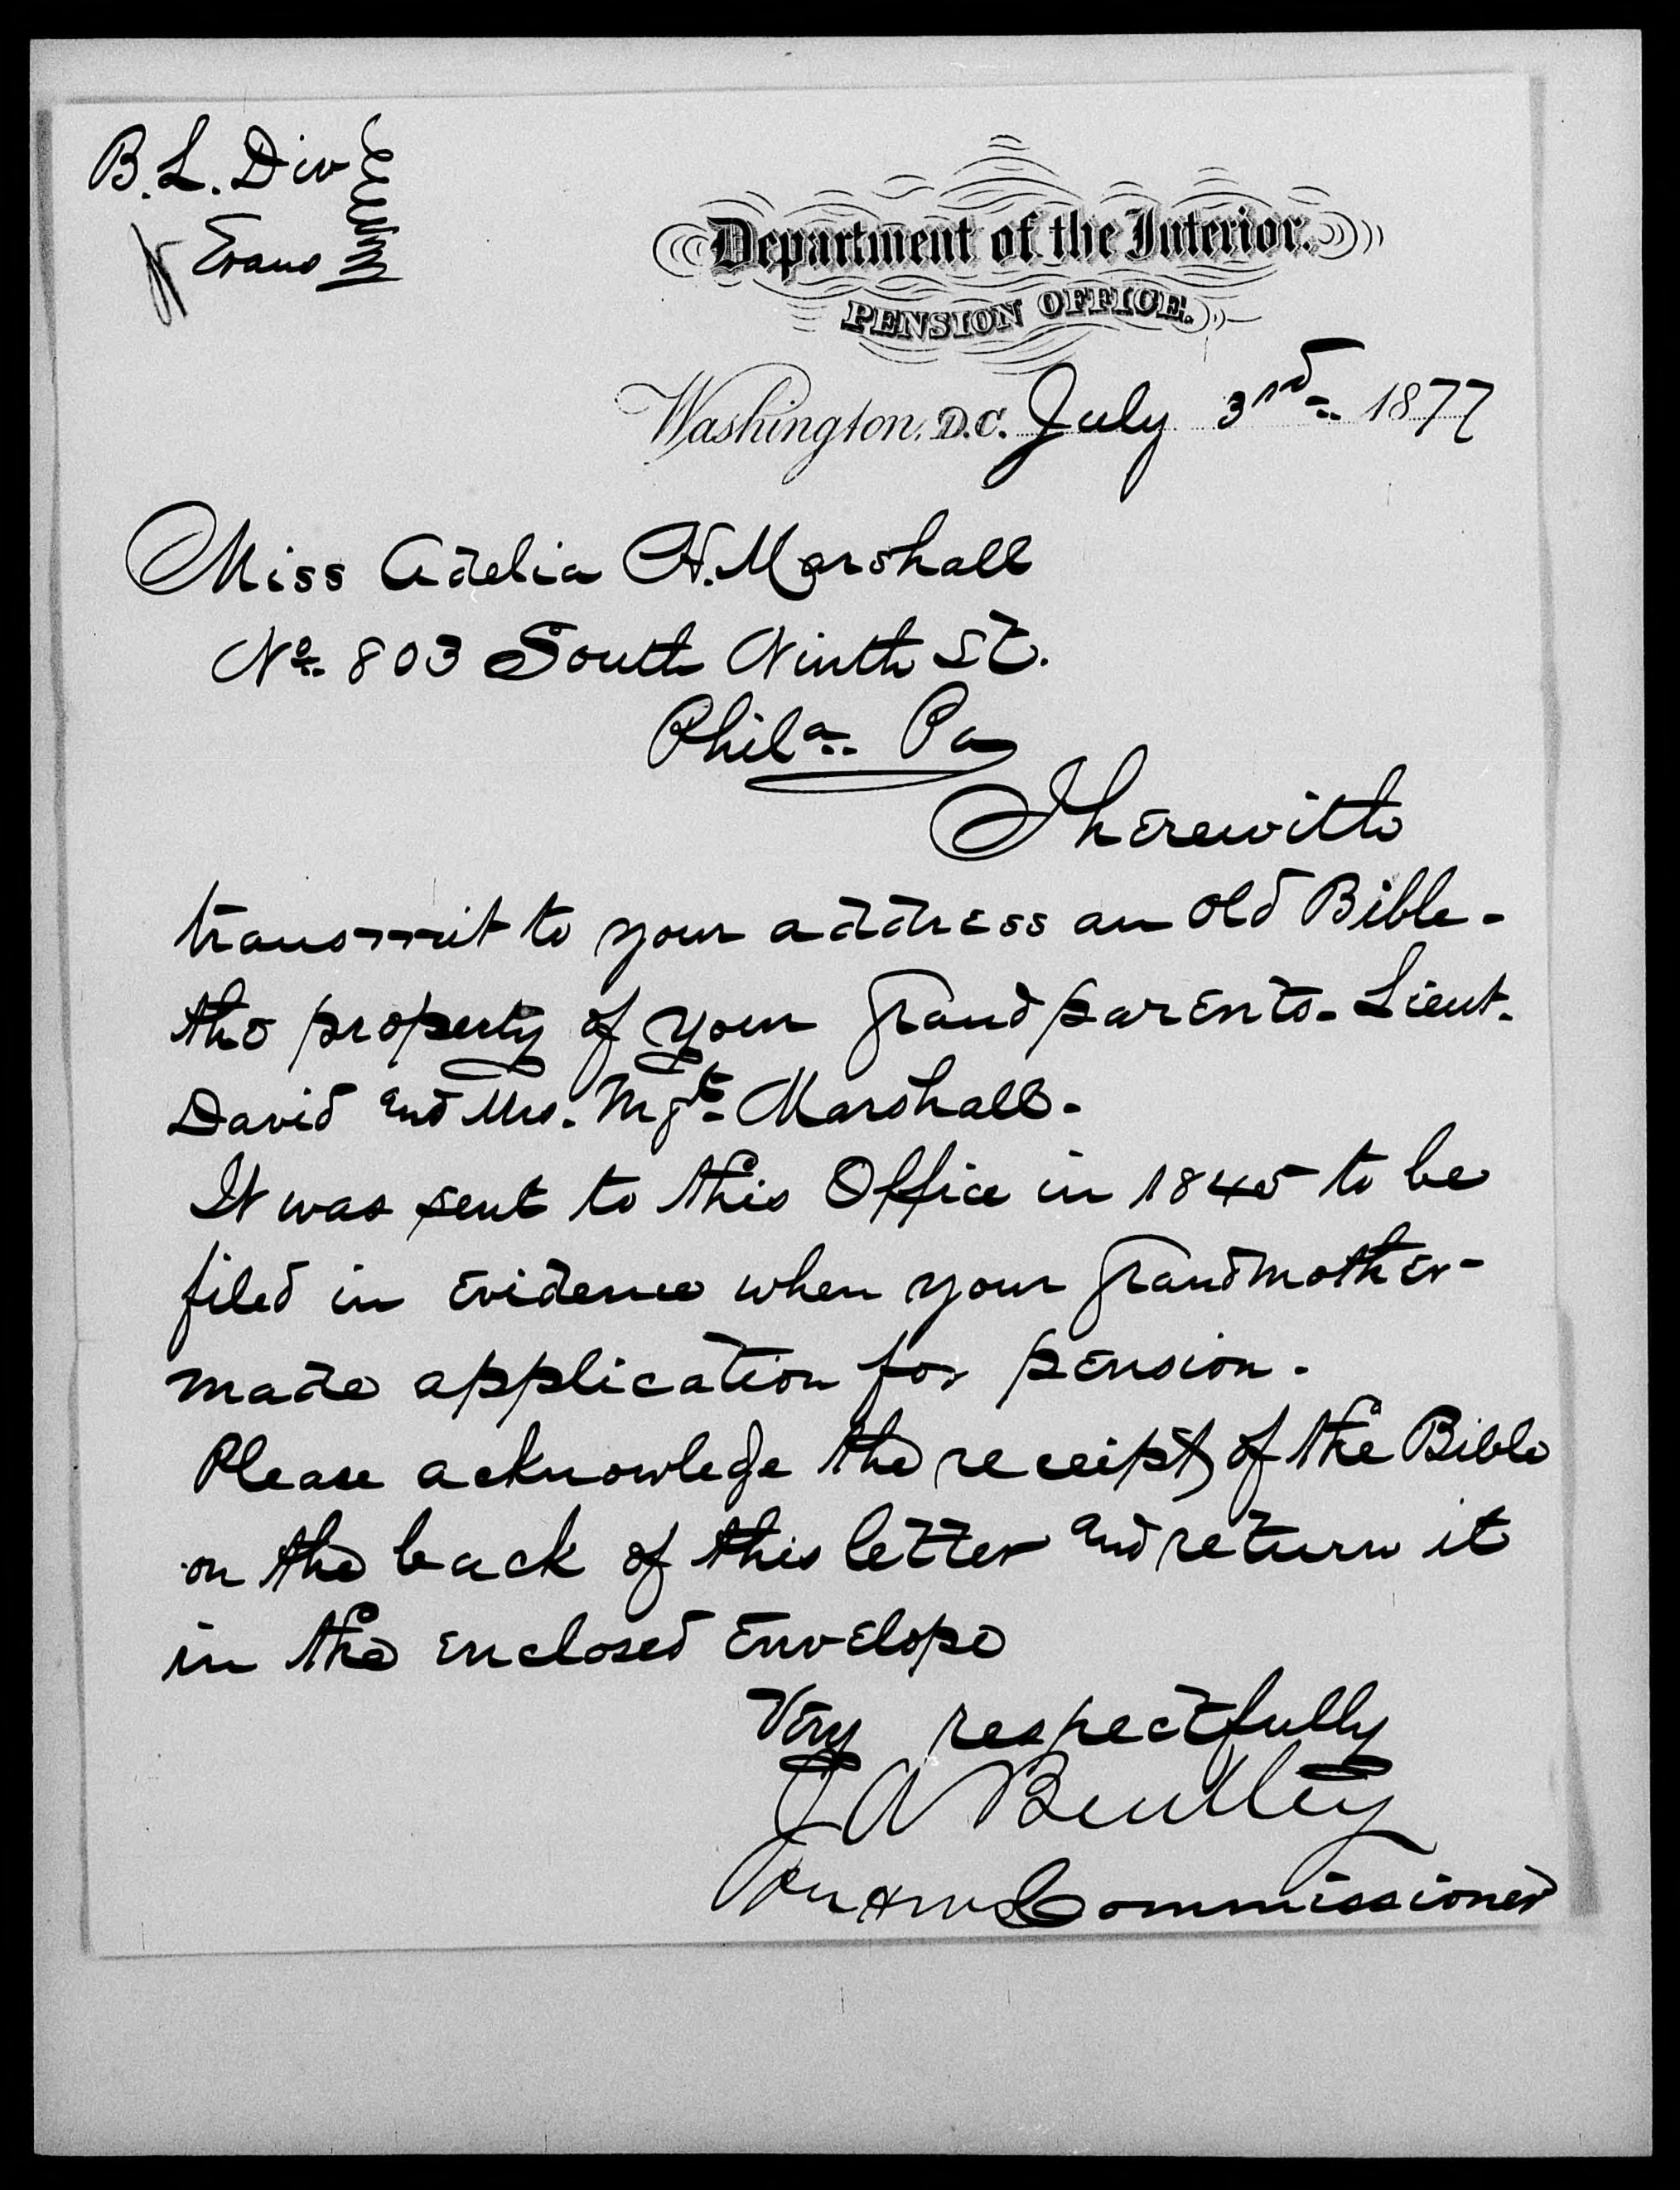B.L. Div
Evans

Department of the Interior 
Pension Office

Washington. D.C. July 3rd 1877

Miss Adelia H. Marshall
No. 803 South Ninth St.
Phila., Pa

I herewith transmit to your address an old Bible, the property of your grandparents, Lieut. David and Mrs. Mgt. Marshall.

It was sent to this Office in 1845 to be filed in evidence when your grandmother made application for pension.

Please acknowledge the receipt of the Bible on the back of this letter and return it in the enclosed envelope.

Very respectfully
J.A. Bentley
Pension Commissioner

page: 33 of 86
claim: widow's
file: W. 3571, for David Marshall, Pennsylvania